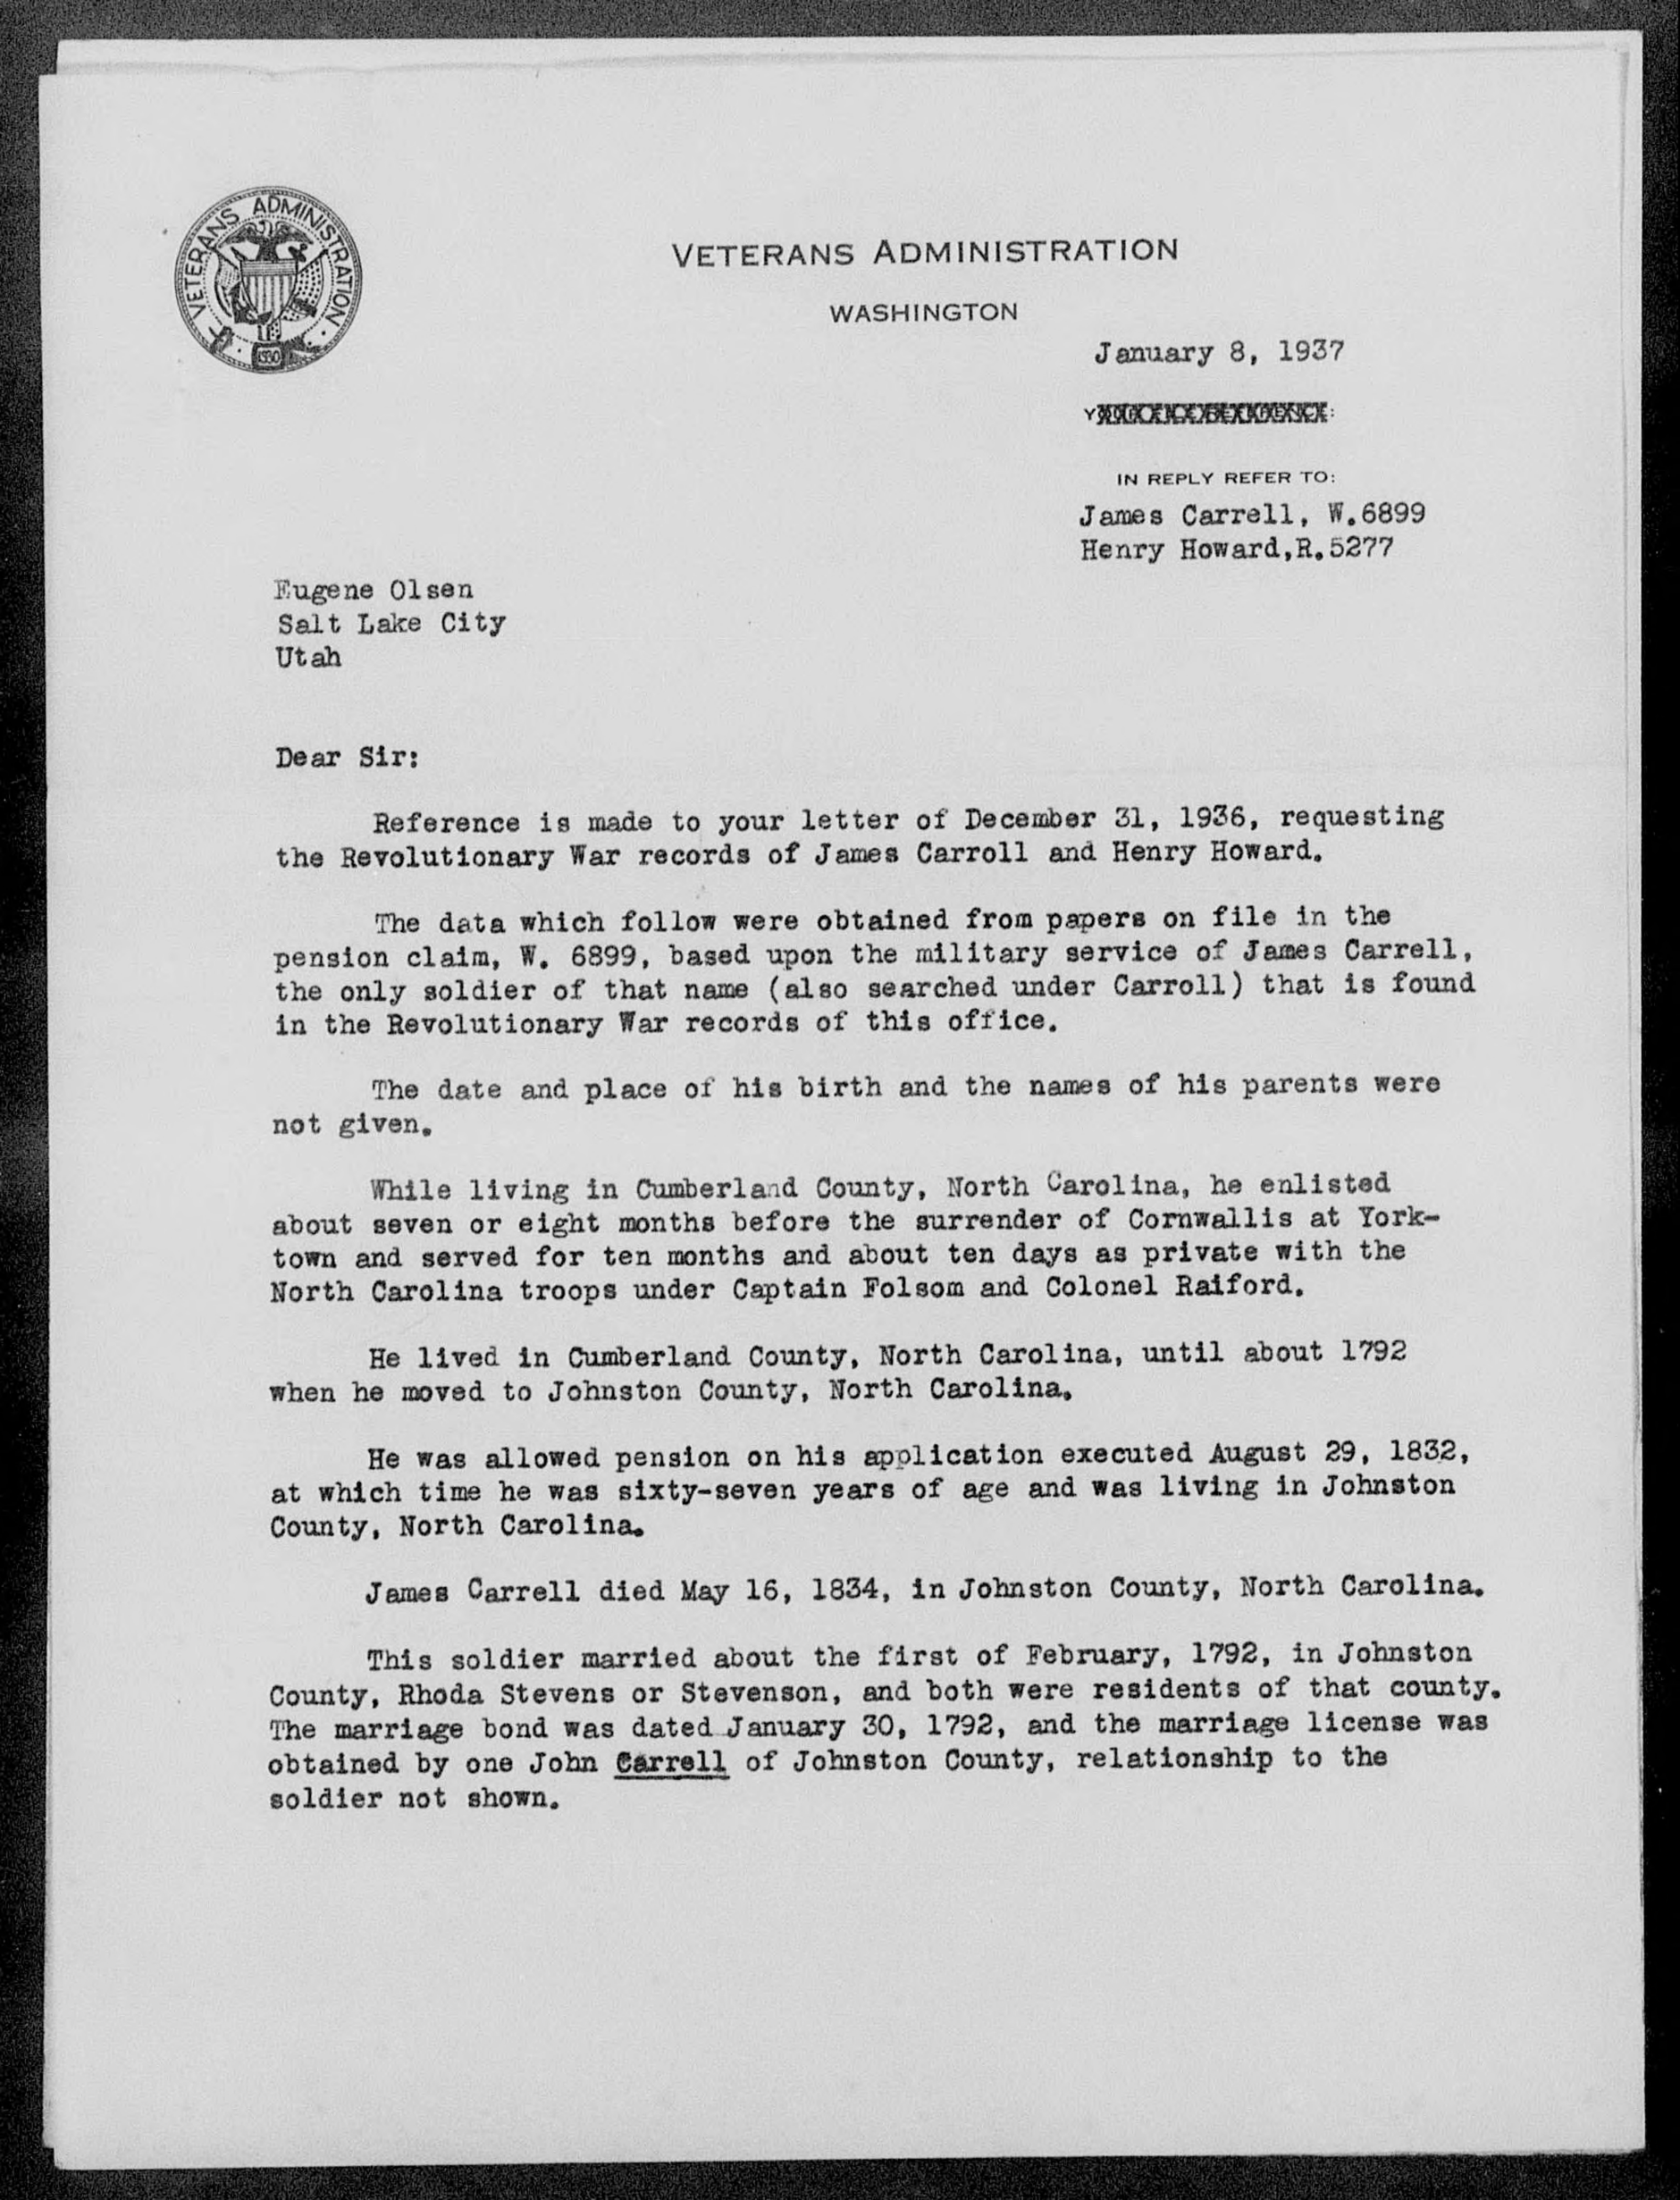VETERANS ADMINISTRATION
WASHINGTON
January 8, 1937
XXXXXXXX
IN REPLY REFER TO:
James Carrell, W. 6899
Henry Howard, R. 5277

Eugene Olsen
Salt Lake City
Utah

Dear Sir:

Reference is made to your letter of December 31, 1936, requesting the Revolutionary War records of James Carroll and Henry Howard.

The data which follow were obtained from papers on file in the pension claim, W. 6899, based upon the military service of James Carrell, the only soldier of that name (also searched under Carroll) that is found
in the Revolutionary War records of this office.

The date and place of his birth and the names of his parents were not given.

While living in Cumberland County, North Carolina, he enlisted about seven or eight months before the surrender of Cornwallis at Yorktown and served for ten months and about ten days as private with the North Carolina troops under Captain Folsom and Colonel Raiford.

He lived in Cumberland County, North Carolina, until about 1792 when he moved to Johnston County, North Carolina.

He was allowed pension on his application executed August 29, 1832, at which time he was sixty-seven years of age and was living in Johnston County, North Carolina.

James Carrell died May 16, 1834, in Johnston County, North Carolina.

This soldier married about the first of February, 1792, in Johnston County, Rhoda Stevens or Stevenson, and both were residents of that county. The marriage bond was dated January 30, 1792, and the marriage license was
obtained by one John Carrell of Johnston County, relationship to the
soldier not shown.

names: Raiford, John Carrell, Rhoda Stevenson, Henry Howard, Eugene Olsen, James Carrell, James Carroll, James Carrell, Henry Howard, Rhoda Stevens, James Carrell, Carroll, Folsom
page: 27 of 86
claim: widow's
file: W. 6899, James Carrell, N.C.